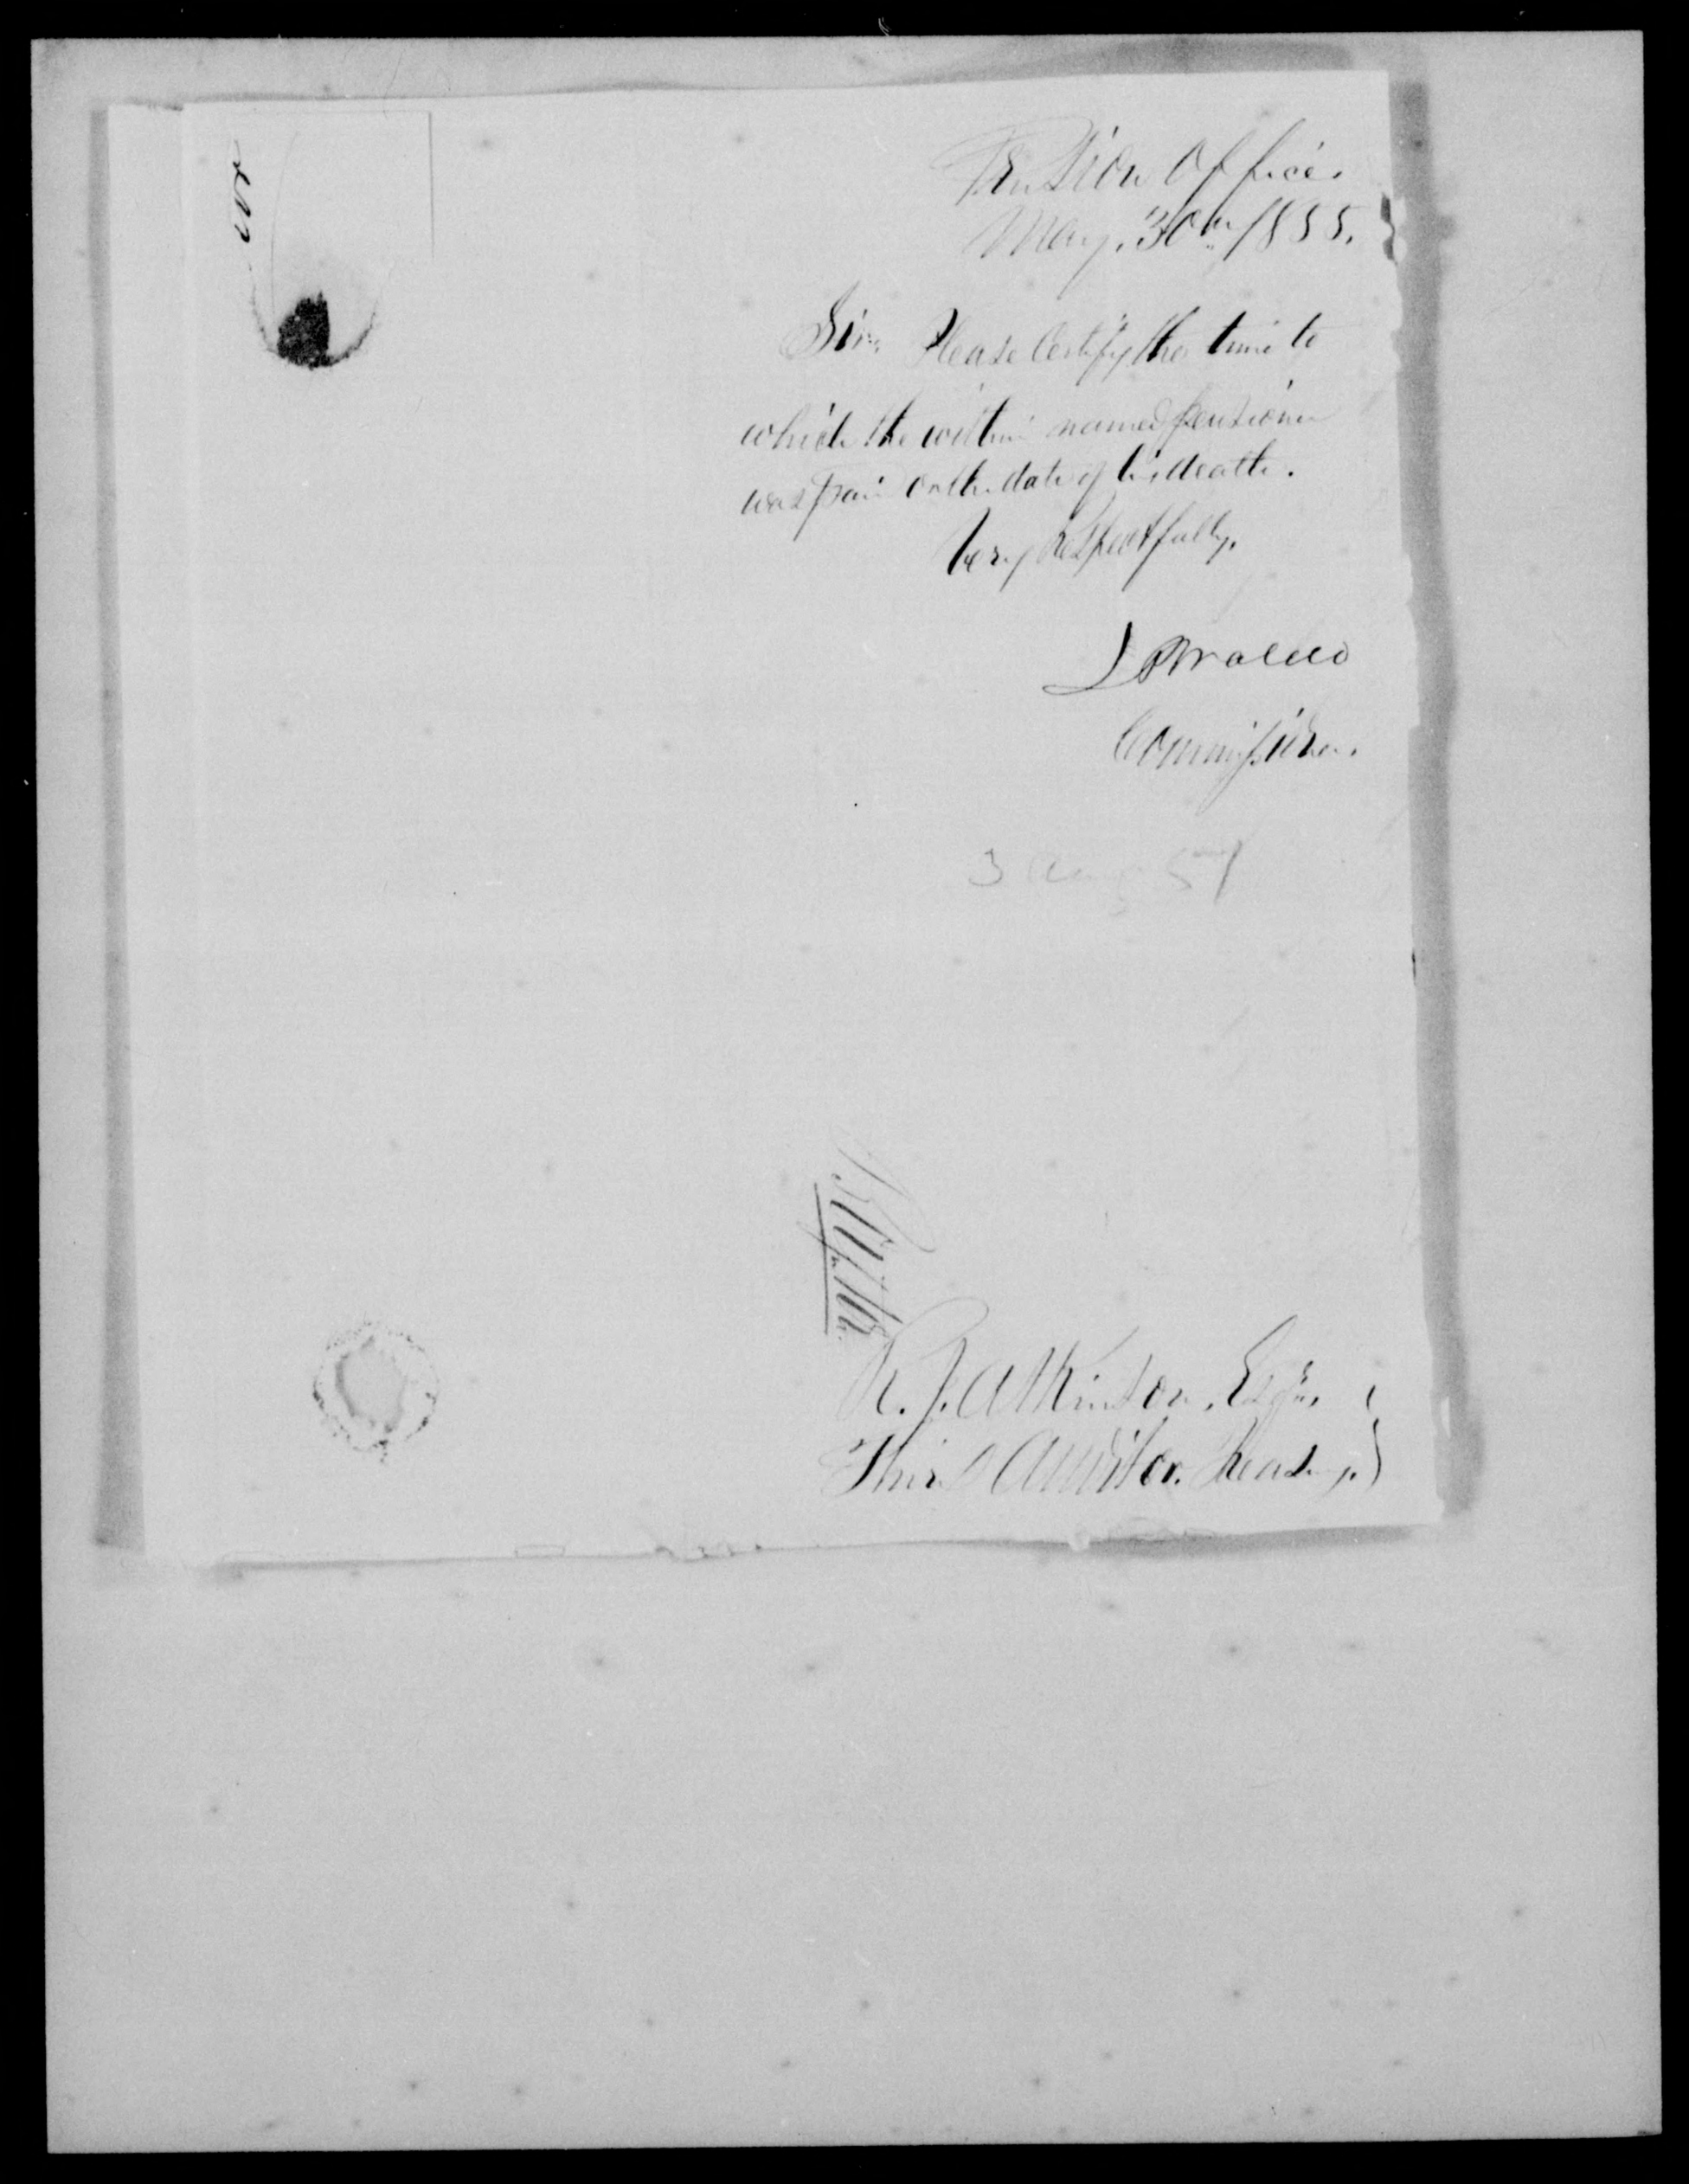Pension Office
May, 30th 1855.
Sir Please certify the time to
which the within named pensioner
was paid on the date of death
Very Respectfully
LP Waldo
Commissioner

Boynton 
R.J. Atkinson, Esq
This Auditor, hand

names: R J Atkinson; L P Waldo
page: 14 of 65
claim: widow's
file: W. 7197, for Jonathan Spear, Vermont